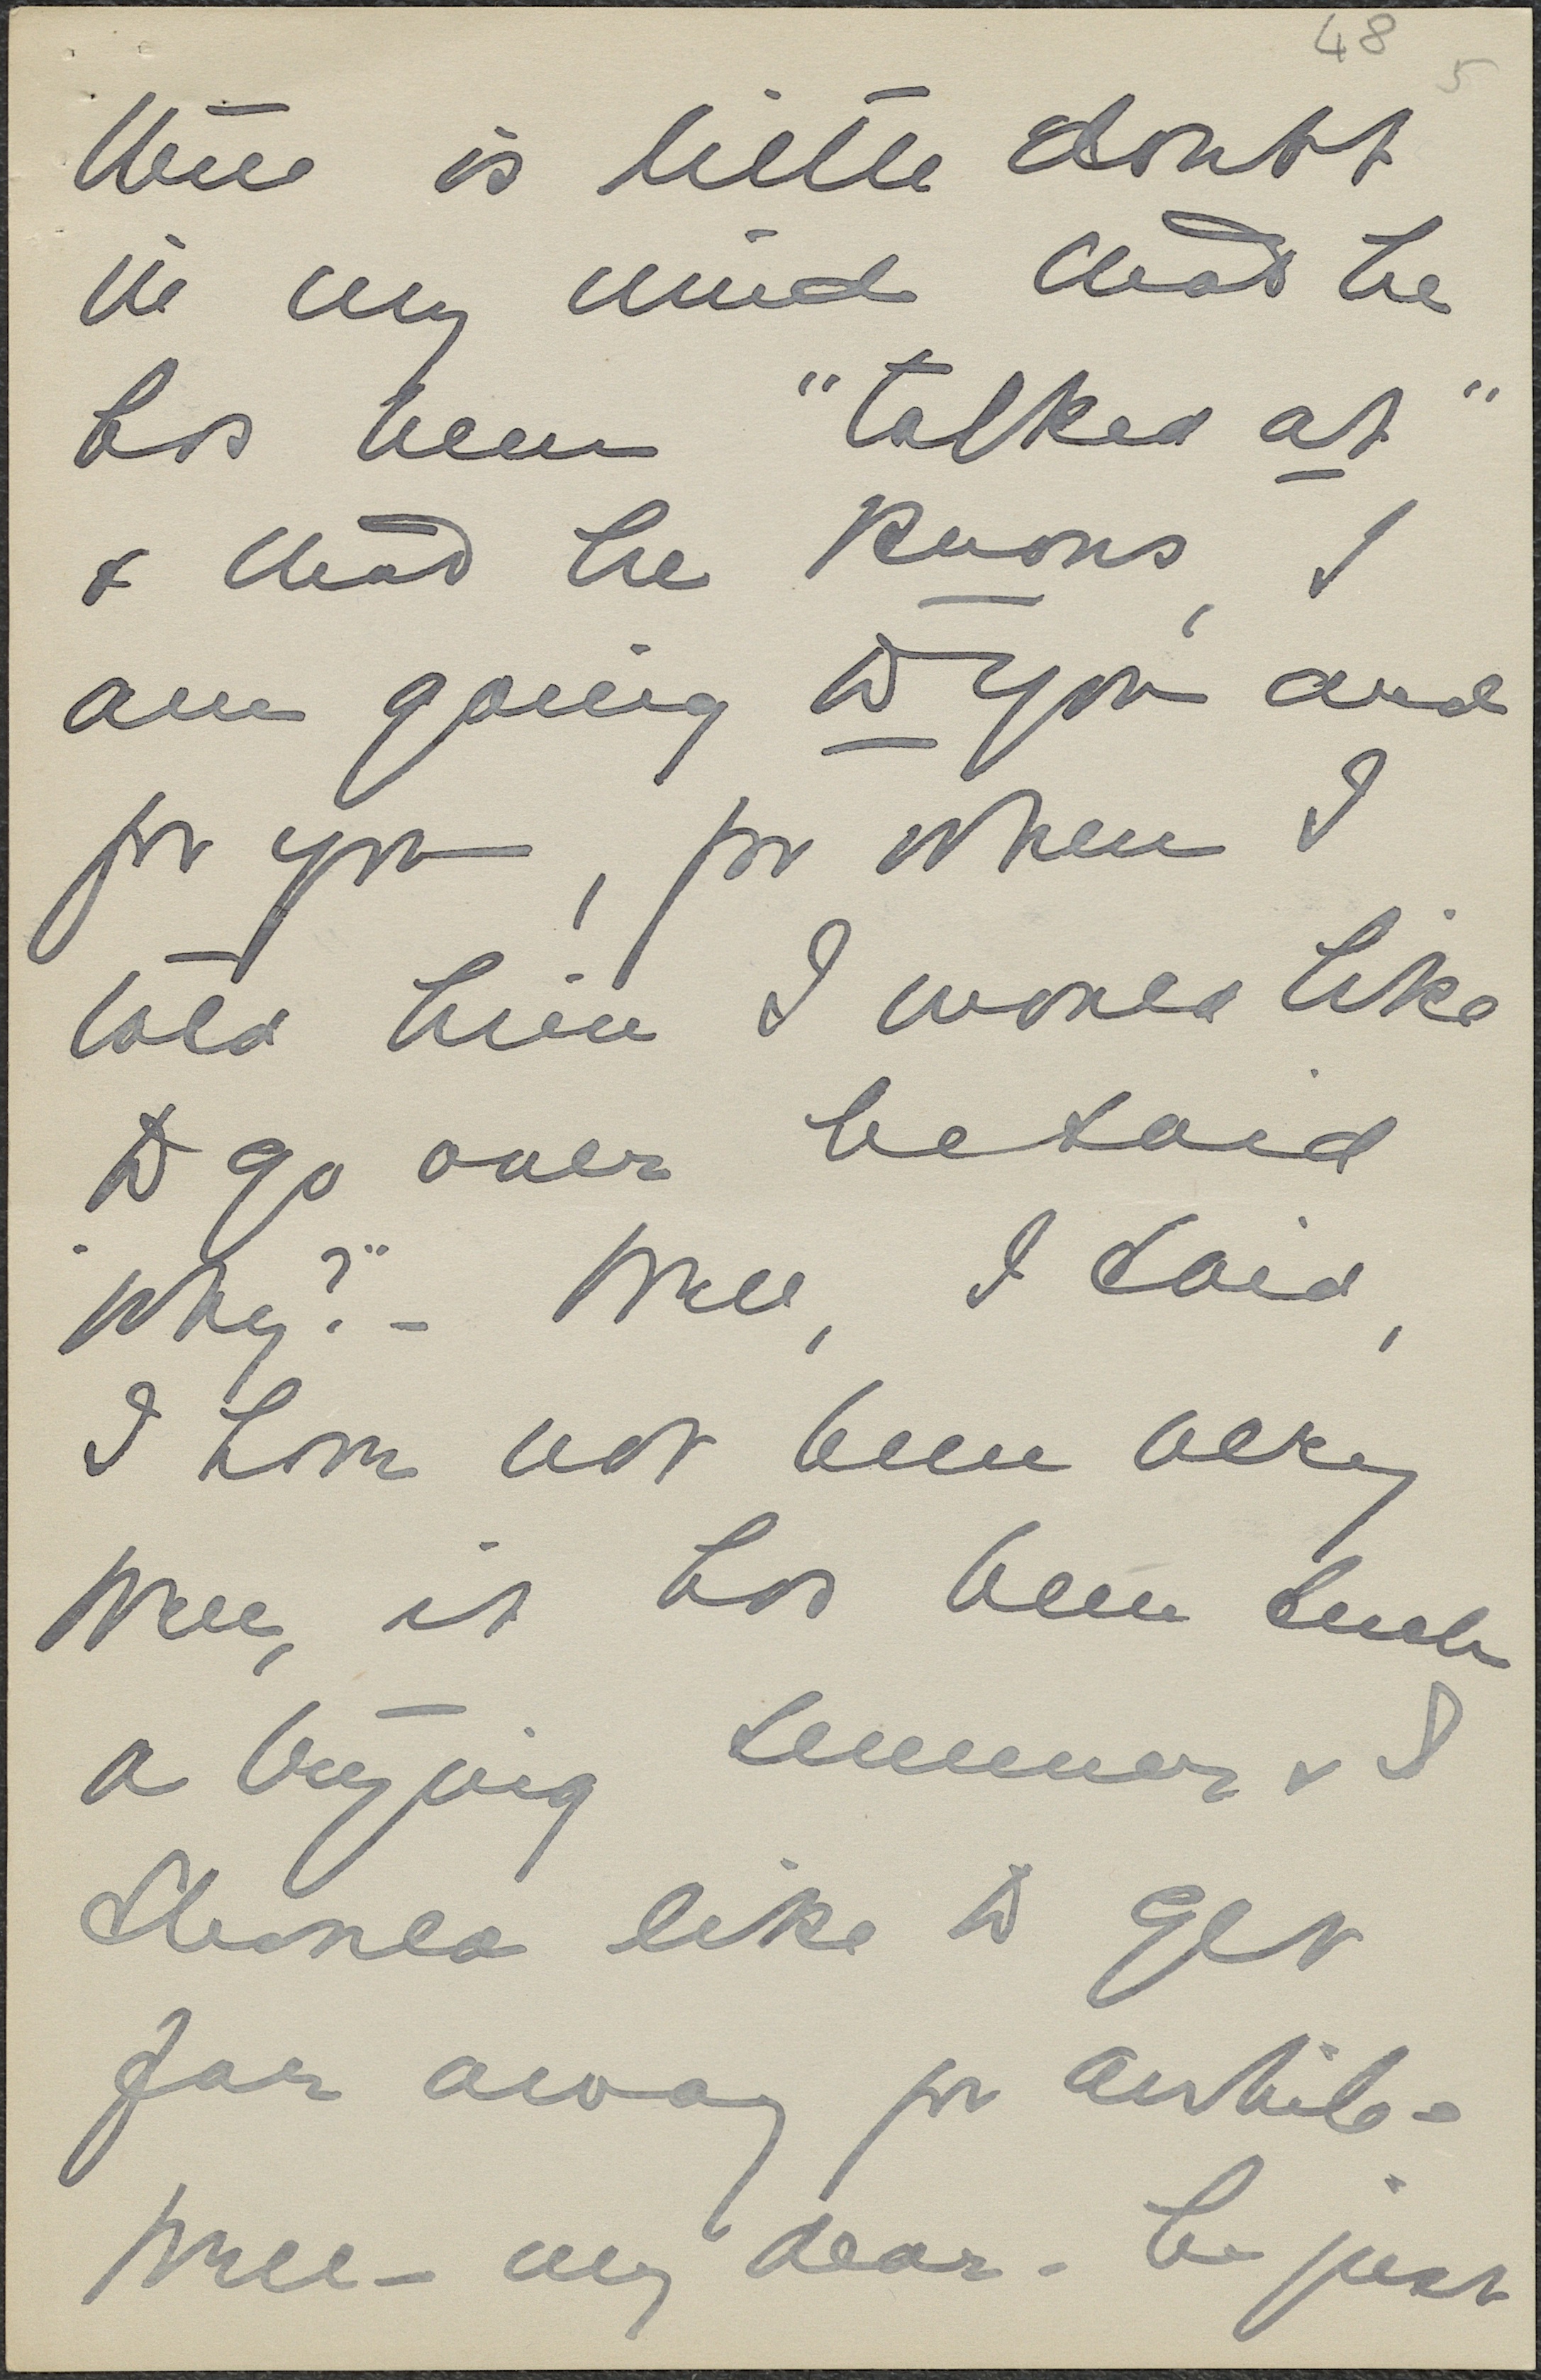there is little doubt in my mind that he has been “talked at” & that he knows, I am going to you and for you, for when I told him I would like to go over he said “why?” – Well, I said, I have not been very well, it has been such a trying summer & I should like to get far away for awhile – well – my dear – he just